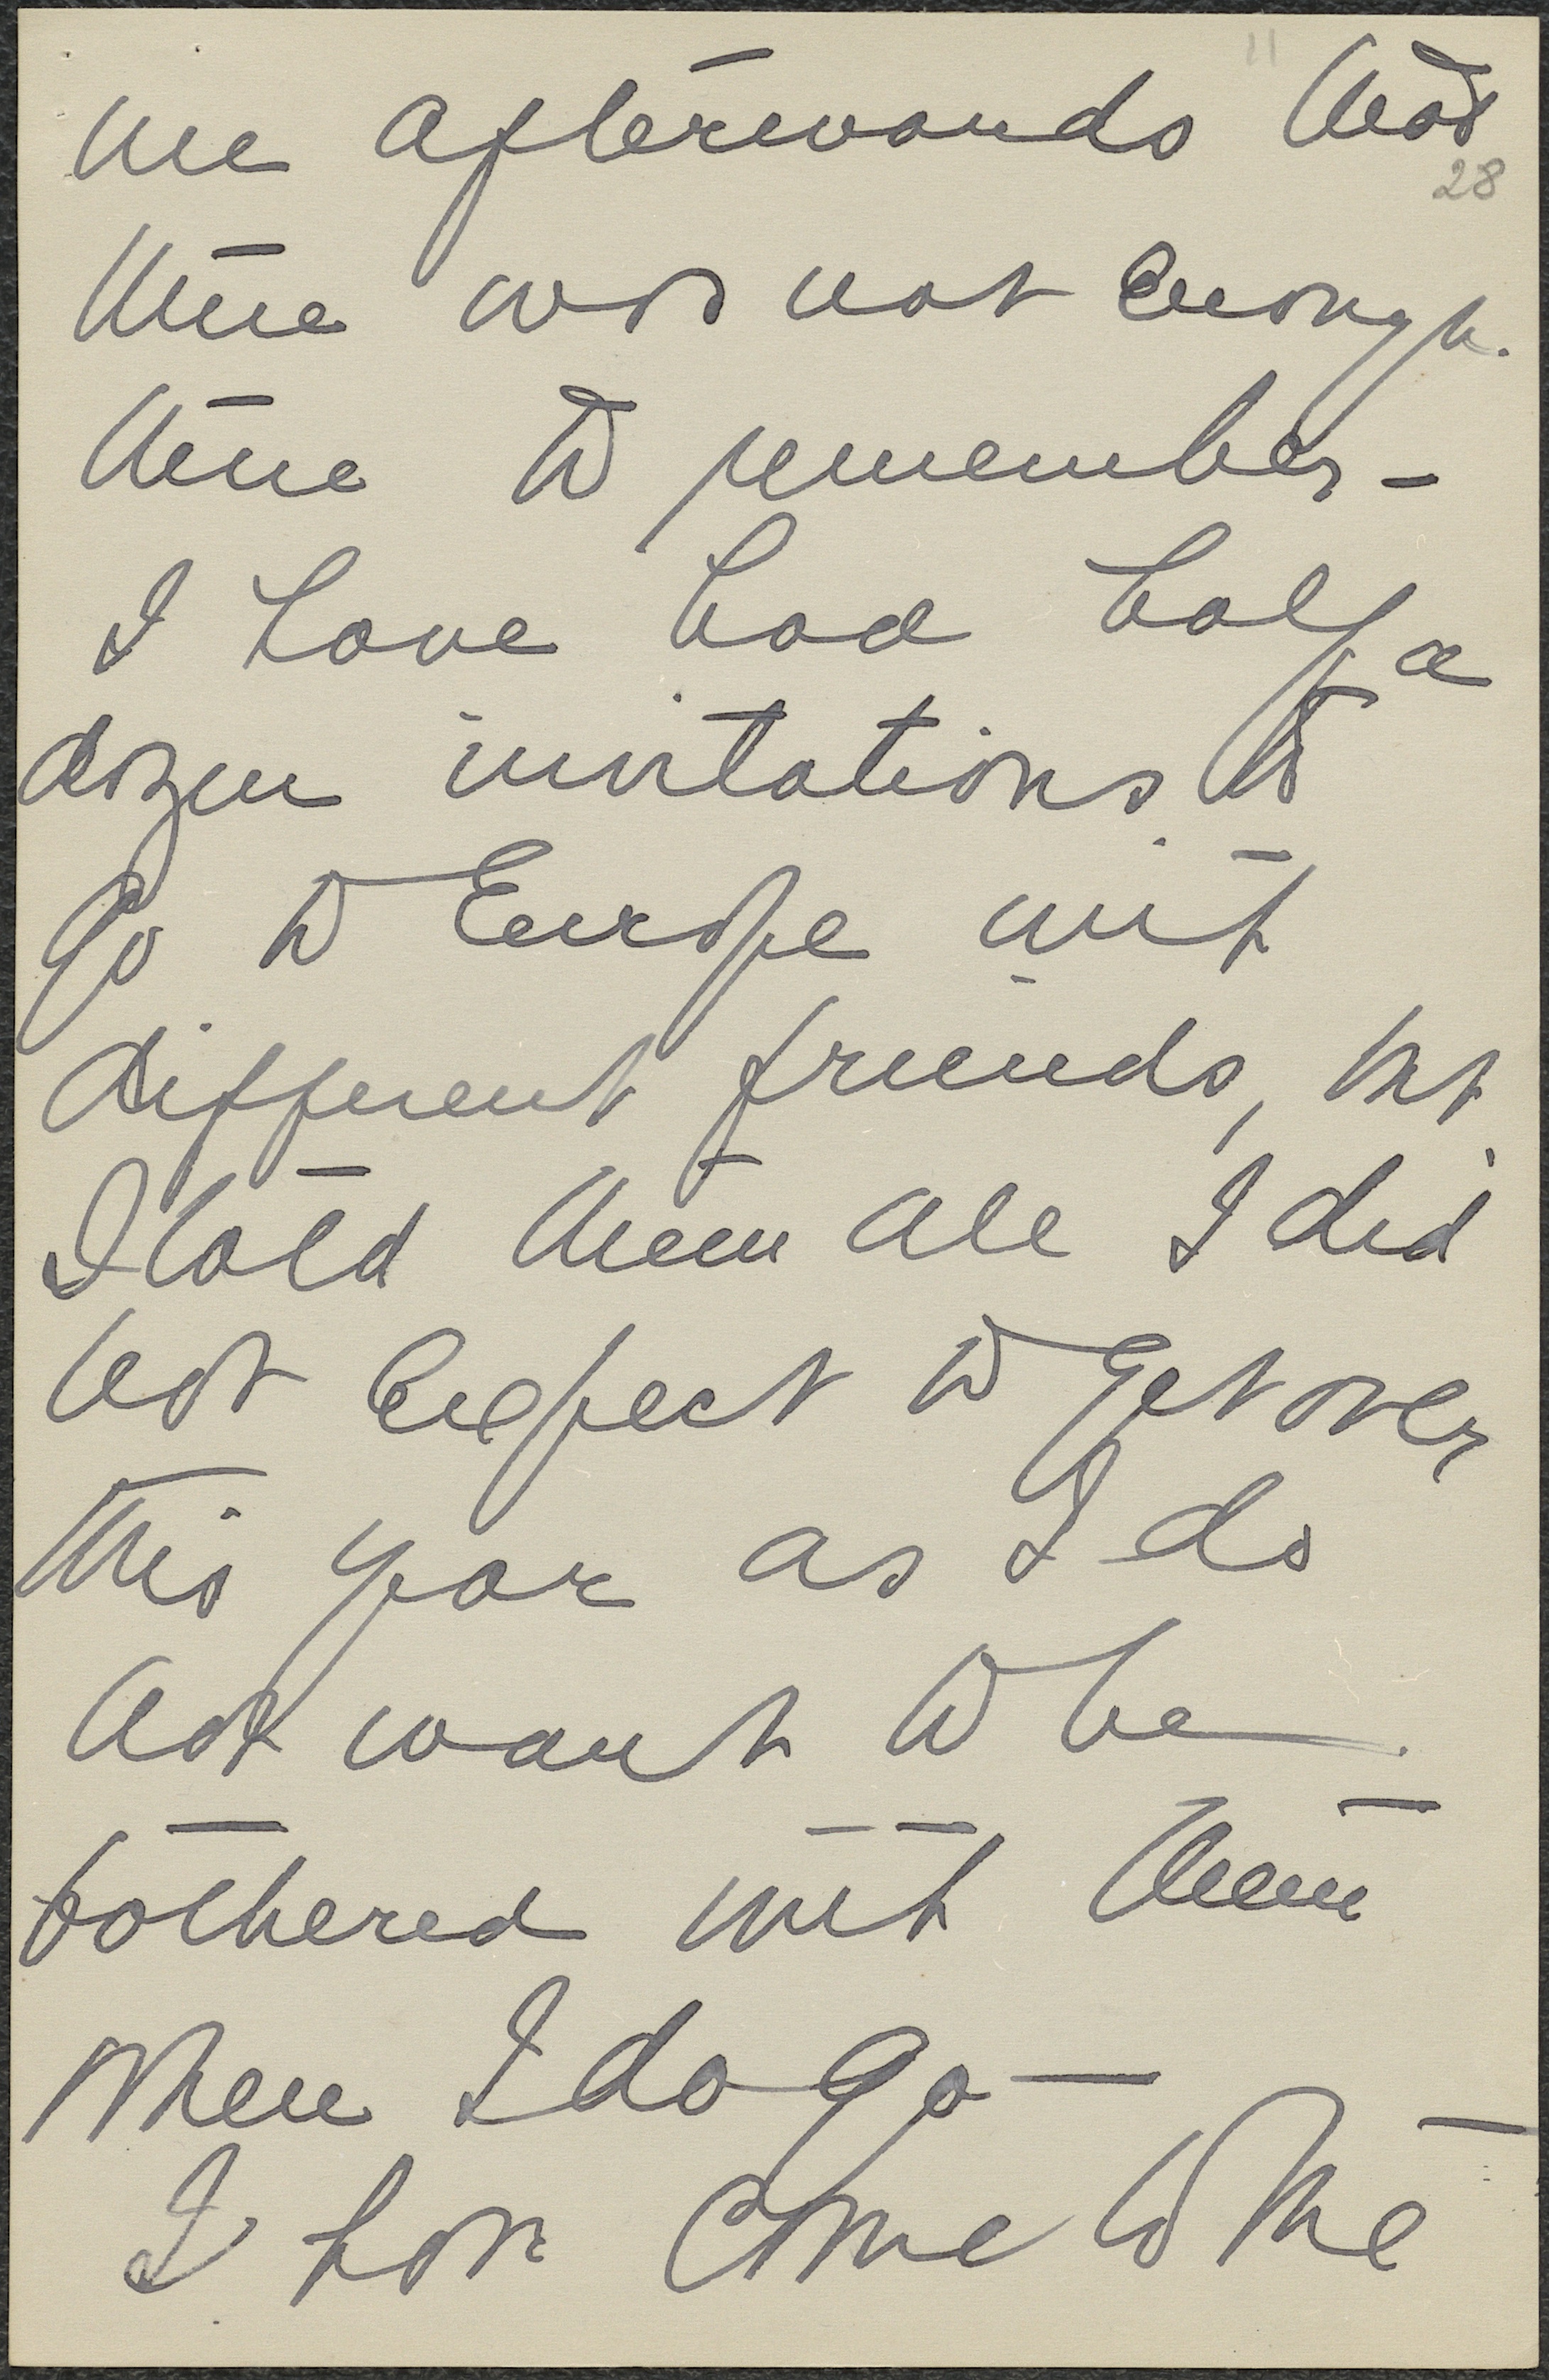me afterwards that there was not enough there to remember – I have had half a dozen invitations to go to Europe with different friends, but I told them all I did not expect to get over this year as I do not want to be bothered with them when I do go –
I have come to the